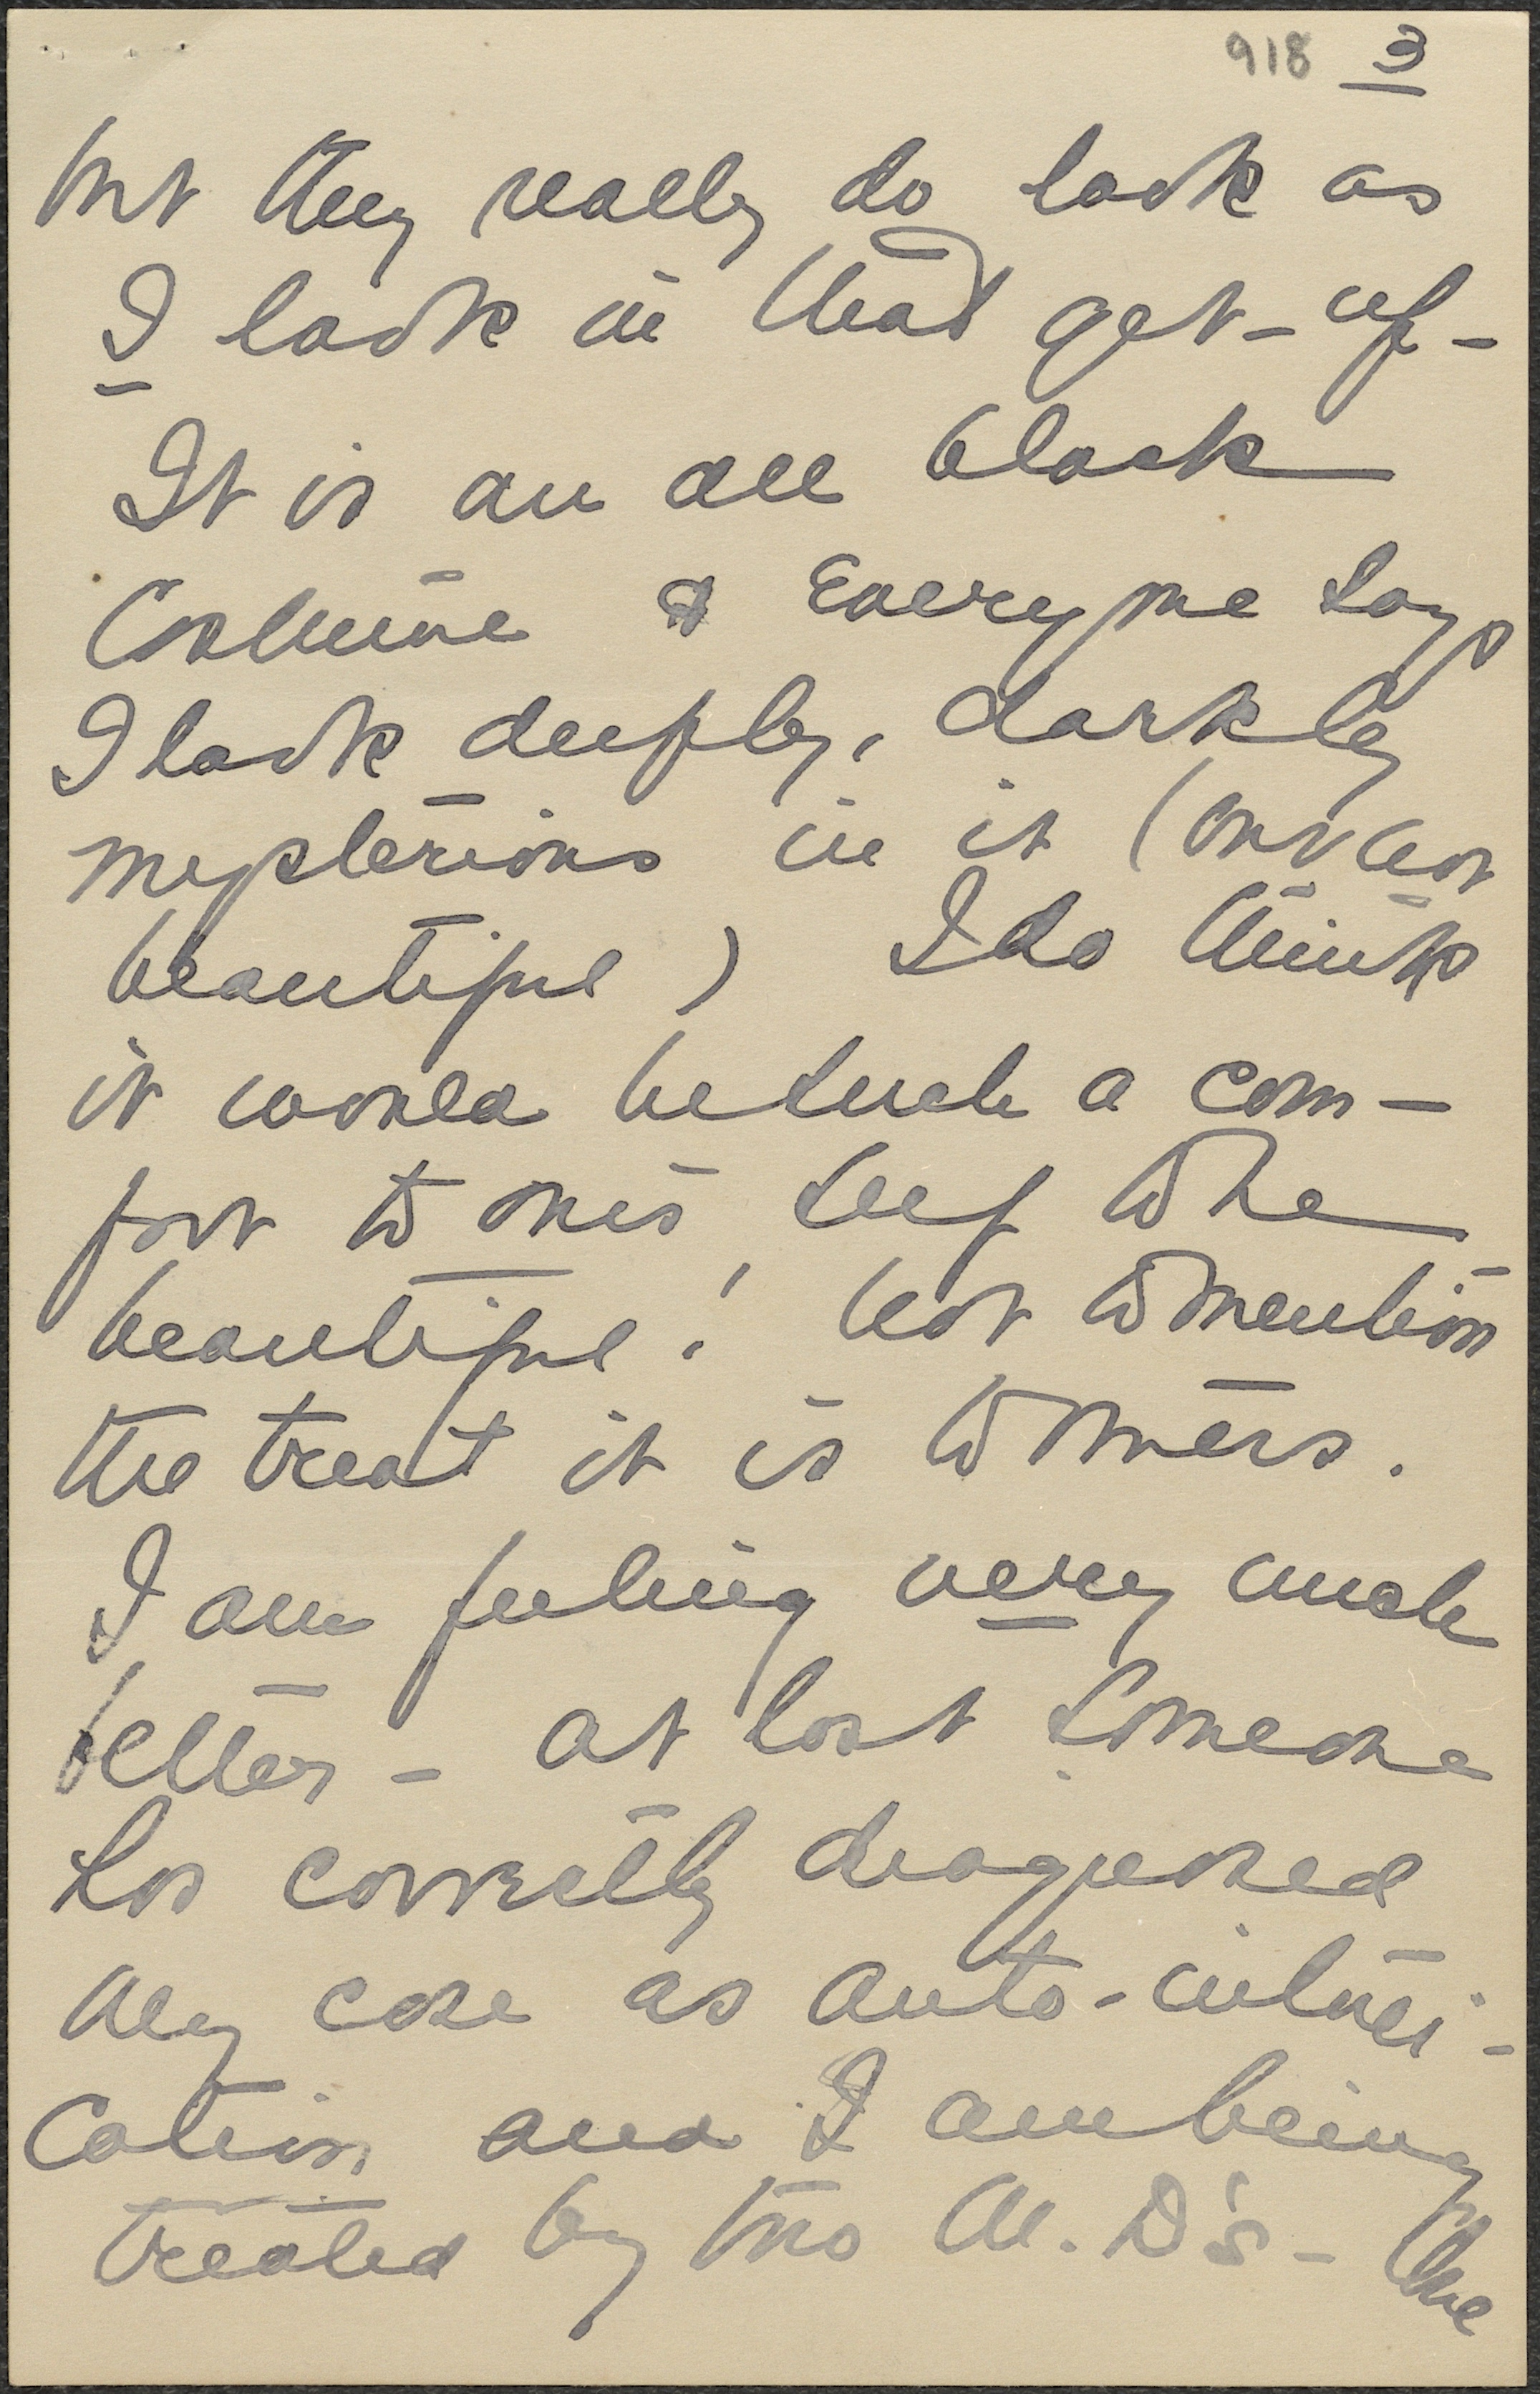3
but they really do look as I look in that get-up –
It is an all black costume & everyone says I look deeply, darkly mysterious in it (but not beautiful) I do think it would be such a comfort to one’s self to be beautiful! Not to mention the treat it is to others.
I am feeling very much better – at last someone has correctly diagnosed my case as auto-intoxication and I am being treated by two M.D’s – One